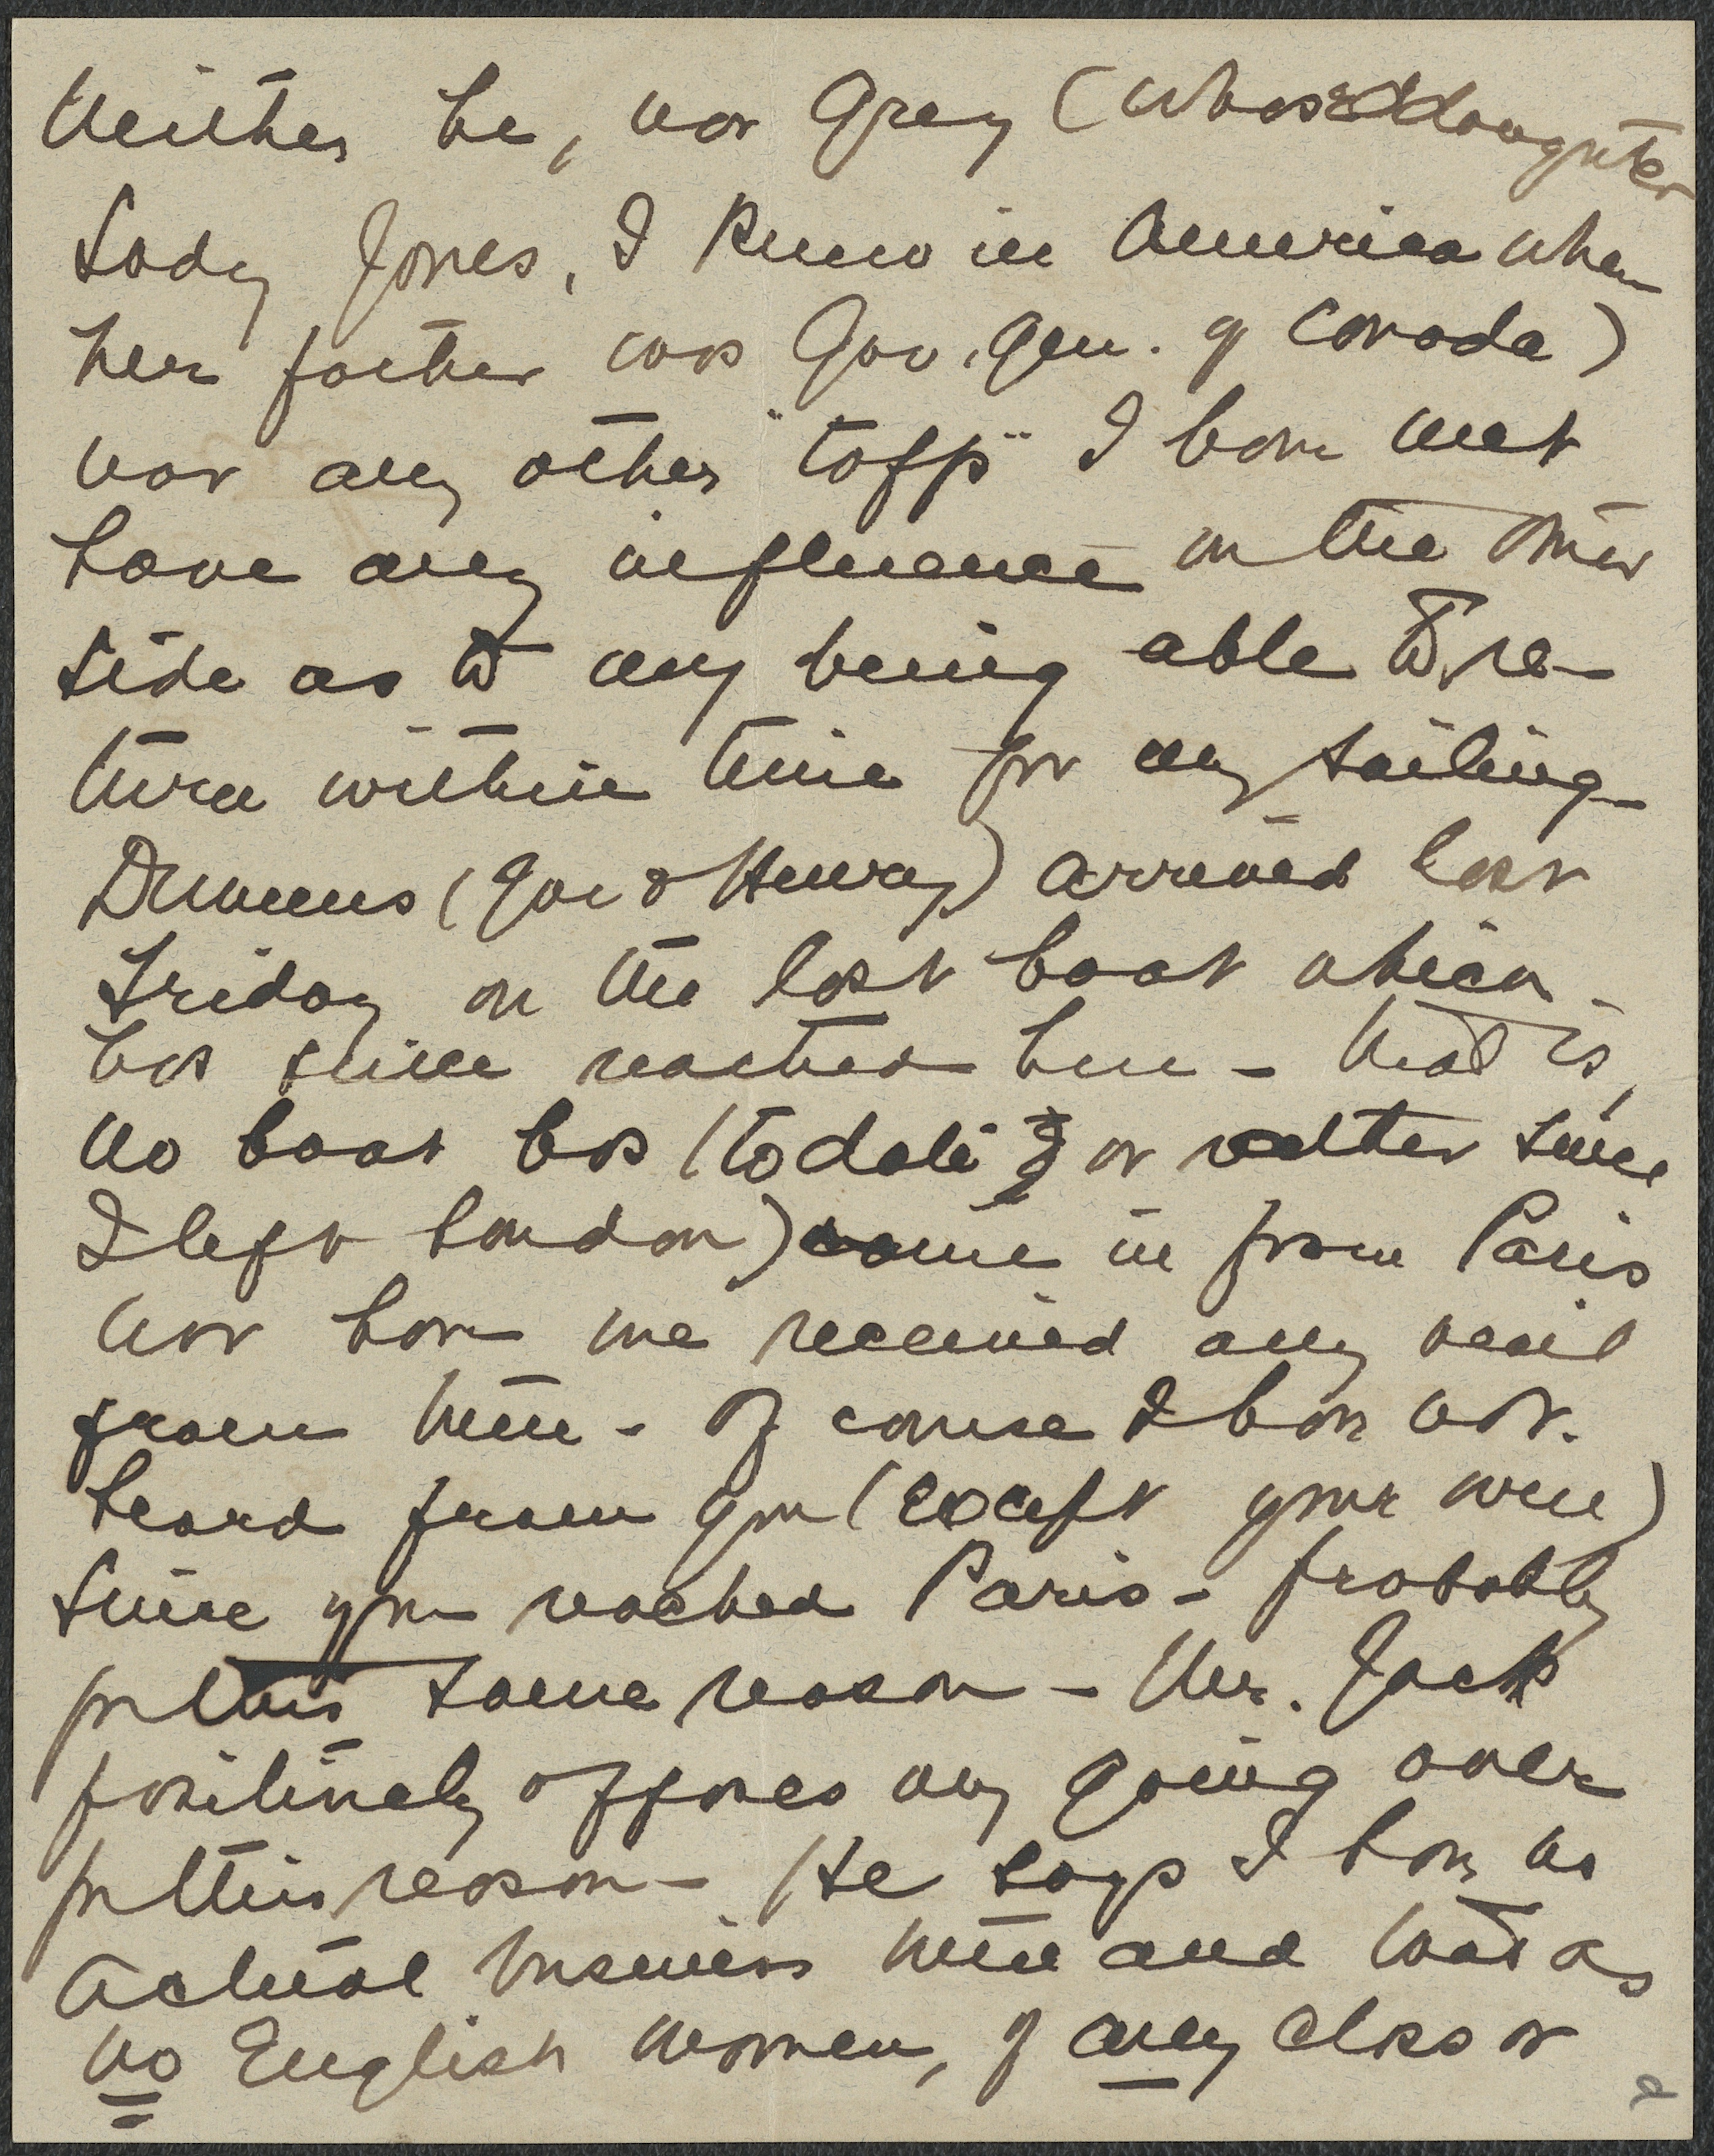neither he nor Grey (whose daughter Lady Jones, I knew in America when her father was Gov. gen. of Canada) nor any other “toffs” I have met have any influence on the Paris side as to my being able to return within time for my sailing.
Duveens (Joe & Henry) arrived last Friday on the last boat which has since reached here – that is, no boat has (to date) or rather since I left London) come in from Paris nor have we received any mail from there – of course I have not heard from you (except your wire) since you reached Paris – probably for this same reason – Mr. Jack positively opposes my going over for this reason – he says I have no actual business there and that as [double underlined: no] English women of any class or